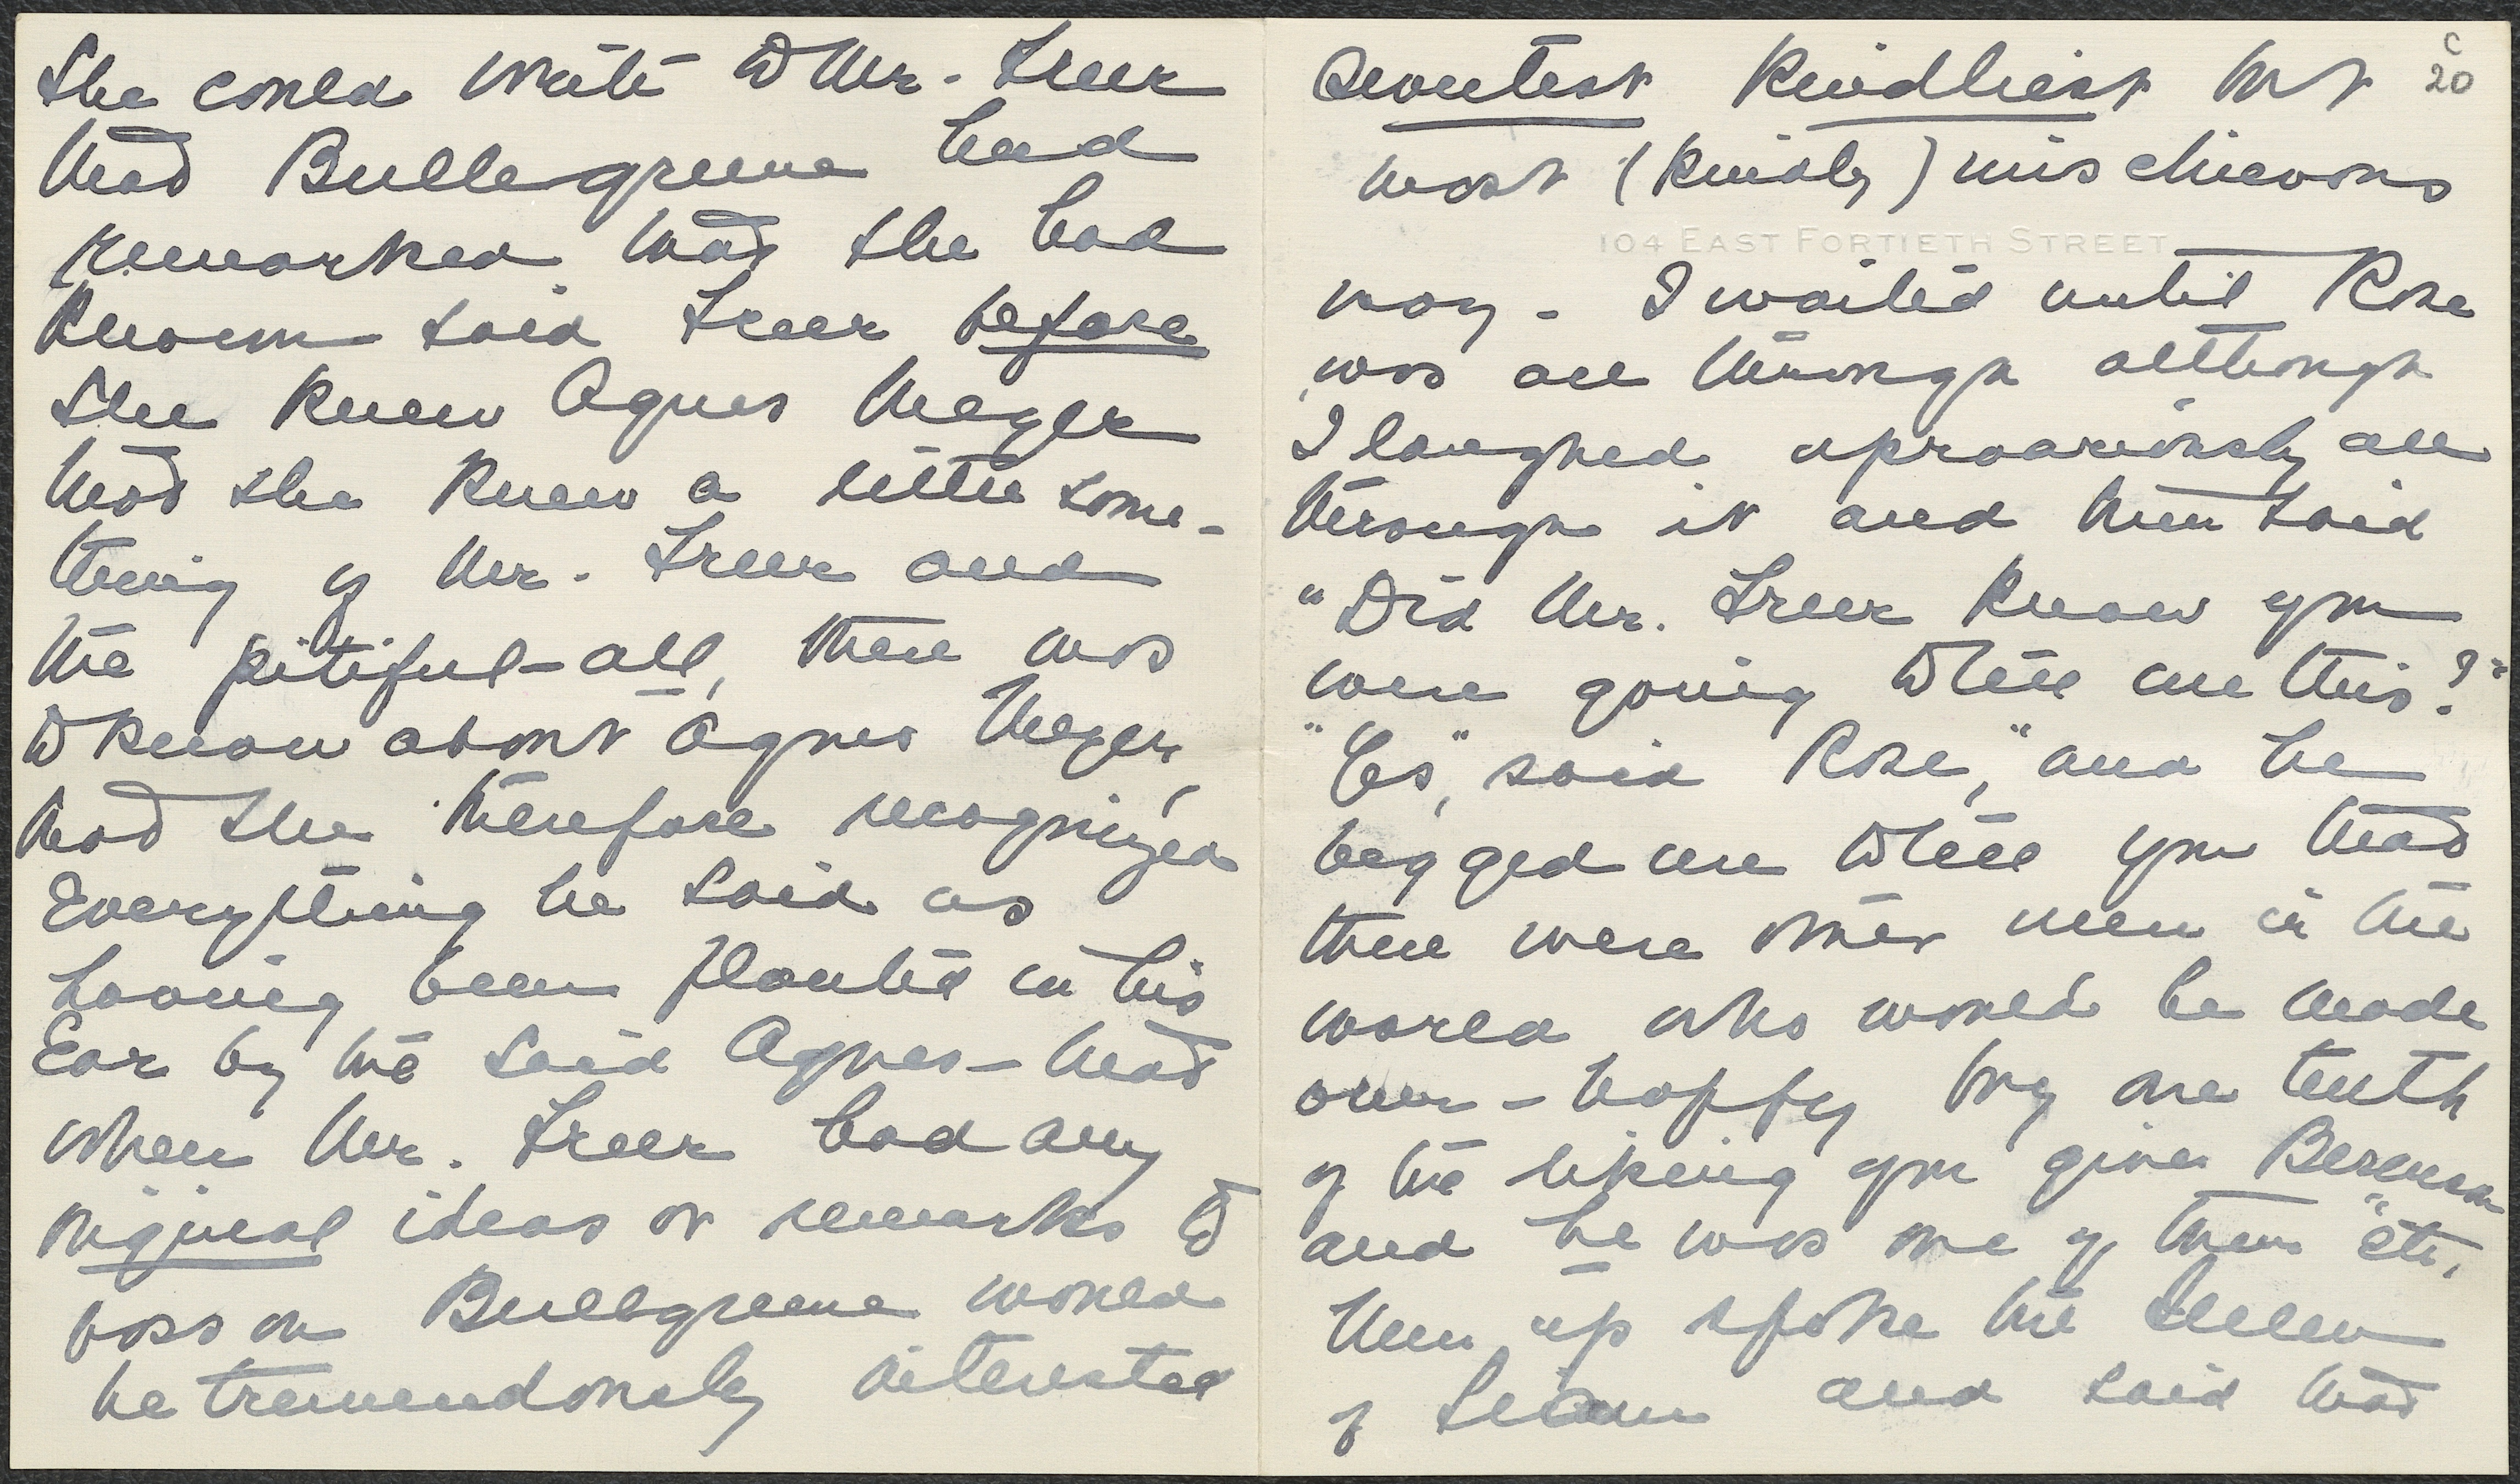sweetest kindliest but most (kindly) mischievous way – I waited until Rose was all through although I laughed uproariously all through it and then said "Did Mr. Freer know you were going to tell me this?" "Yes," said Rose, "and he begged me to tell you that there were other men in the world who would be made over – happy by one tenth of the liking you give Berenson and he was one of them" etc. Then up spoke the Queen of Siam and said that
She could write to Mr. Freer that Bullegreene had remarked that she had known said Freer before she knew Agnes Meyer that she knew a little something of Mr. Freer and the pitiful – all, there was to know about Agnes Meyer that she therefore recognized everything he said as having been planted in his ear by the said Agnes – that when Mr. Freer had any original idea or remarks to pass on Bullgreene would be tremendously interested